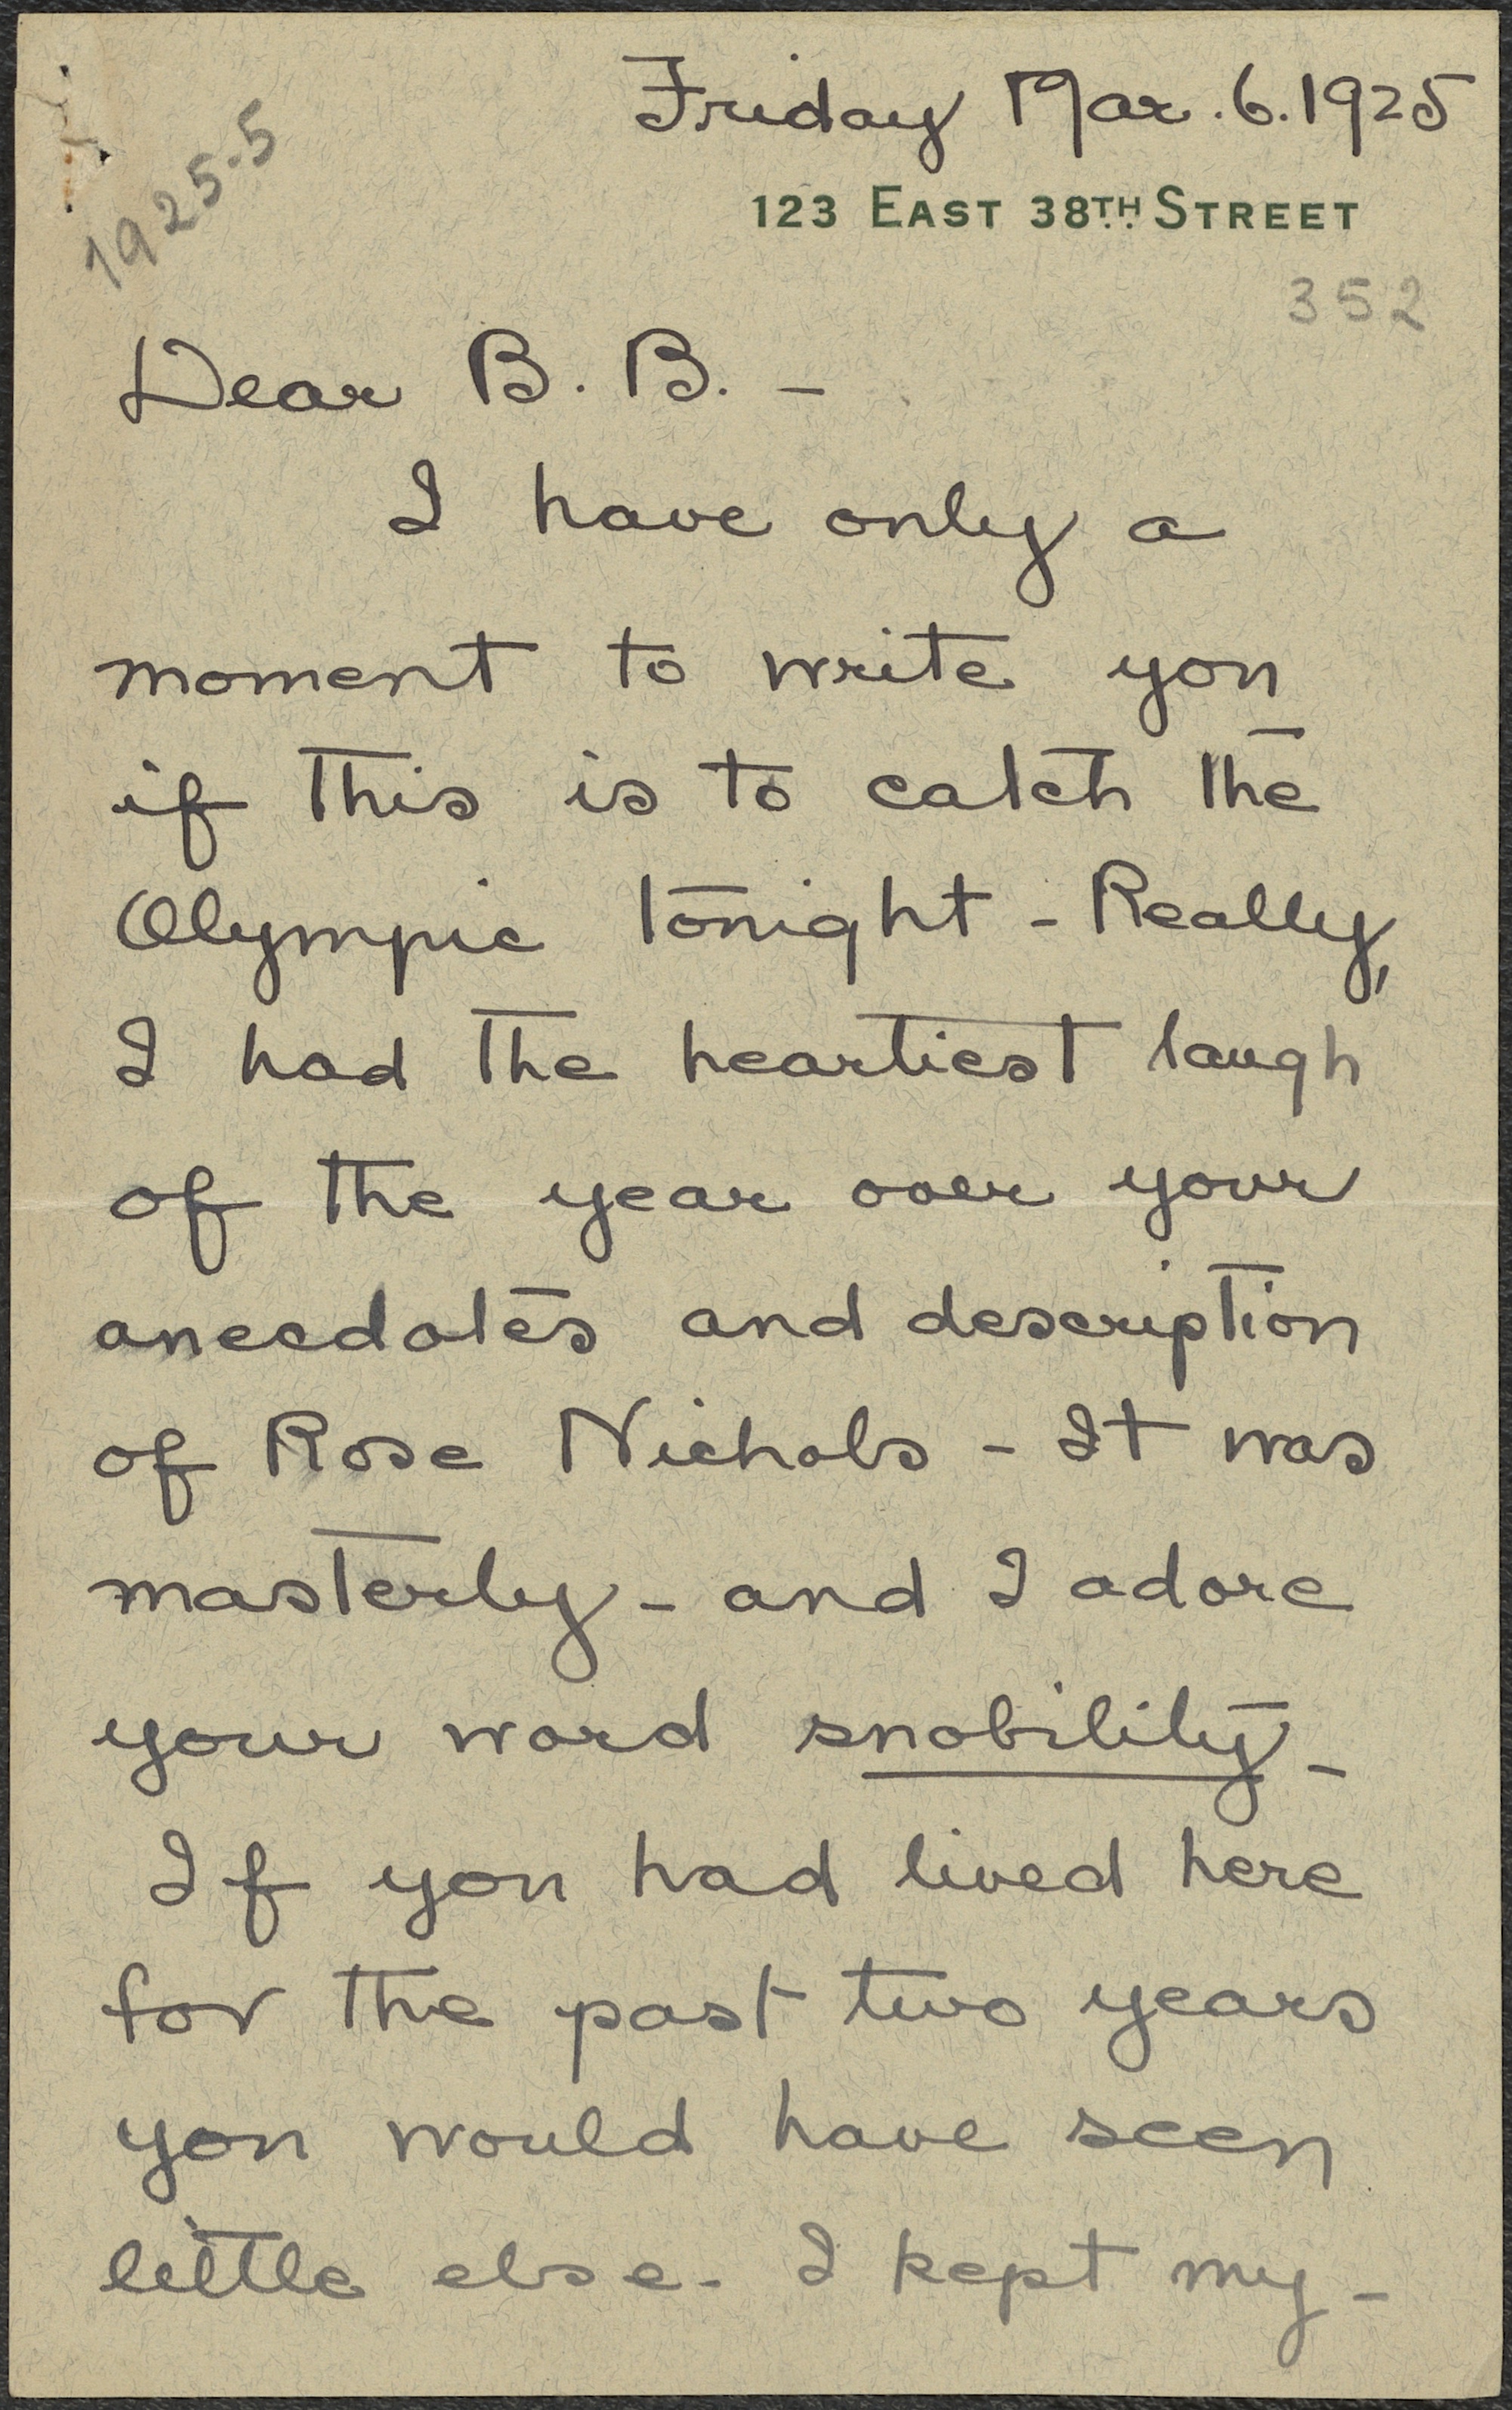Friday Mar. 6. 1925
Dear B.B. –
I have only a moment to write you if this is to catch the Olympic tonight – Really, I had the heartiest laugh of the year over your anecdotes and description of Rose Nichols – It was masterly – and I adore your word snobility –
If you had lived here for the past two years you would have seen little else. I kept my –